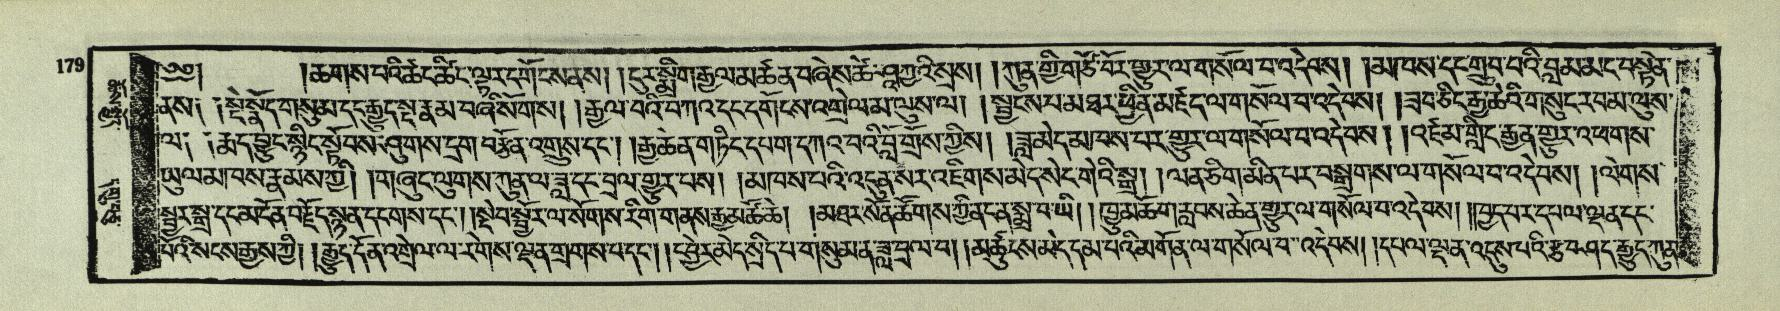༄༅། །ཆགས་པའི་ཚེང་ཚིང་ལྟར་དགོངས་ནས། །ངུར་སྨྲིག་རྒྱལ་མཚན་བཞེས་ཚེ་ཤཱཀྱའི་སྲས། །ཀུན་གྱི་གཙོ་བོར་གྱུར་ལ་གསོལ་བ་འདེབས། །མཁས་དང་གྲུབ་པའི་བླ་མ་མང་བསྟེན་
ནས༑ ༑སྡེ་སྣོད་གསུམ་དང་རྒྱུད་སྔ་རྣམ་བཞི་སོགས། །རྒྱལ་བའི་བཀའ་དང་དགོངས་འགྲེལ་མ་ལུས་ལ། །སྦྱངས་པ་མཐར་ཕྱིན་མཛད་ལ་གསོལ་བ་འདེབས། །ཟབ་ཅིང་རྒྱ་ཆེའི་གསུང་རབ་མ་ལུས་
ལ༑ ༑རྨད་བྱུང་སྙིང་སྟོབས་ཤུགས་དྲག་བརྩོན་འགྲུས་དང་། །རྒྱ་ཆེན་གཏིང་དཔག་དཀའ་བའི་བློ་གྲོས་ཀྱིས། །ཟླ་མེད་མཁས་པར་གྱུར་ལ་གསོལ་བ་འདེབས། །འཛམ་གླིང་རྒྱན་གྱུར་འཕགས་
ཡུལ་མཁས་རྣམས་ཀྱི། །གཞུང་ལུགས་ཀུན་ལ་ཟླ་དང་བྲལ་གྱུར་པས། །མཁས་པའི་འདུན་སར་འཇིགས་མེད་སེང་གེའི་སྒྲ། །ལན་ཅིག་མིན་པར་བསྒྲགས་ལ་གསོལ་བ་འདེབས། །ལེགས་
སྦྱར་སྒྲ་དང་མངོན་བརྗོད་སྙན་དངགས་དང་། །སྡེབ་སྦྱོར་ལ་སོགས་རིག་གནས་རྒྱ་མཚོ་ཆེ། །མཐར་སོན་ཚོགས་ཀྱི་ནང་ན་སྨྲ་བ་ཡི། །ཁྱུ་མཆོག་རླབས་ཆེན་གྱུར་ལ་གསོལ་བ་འདེབས། །ཁྱད་པར་དཔལ་ལྡན་དང་
པོའི་སངས་རྒྱས་ཀྱི། །རྒྱུད་དོན་འགྲེལ་ལ་རེགས་ལྡན་གྲགས་པ་དང་། །དབྱེར་མེད་སྲིད་པ་གསུམ་ན་ཟླ་བྲལ་བ། །མཚུངས་མེད་དམ་པའི་མགོན་ལ་གསོལ་བ་འདེབས། །དཔལ་ལྡན་འདུས་པའི་རྩ་བཤད་རྒྱུད་ཀུན་